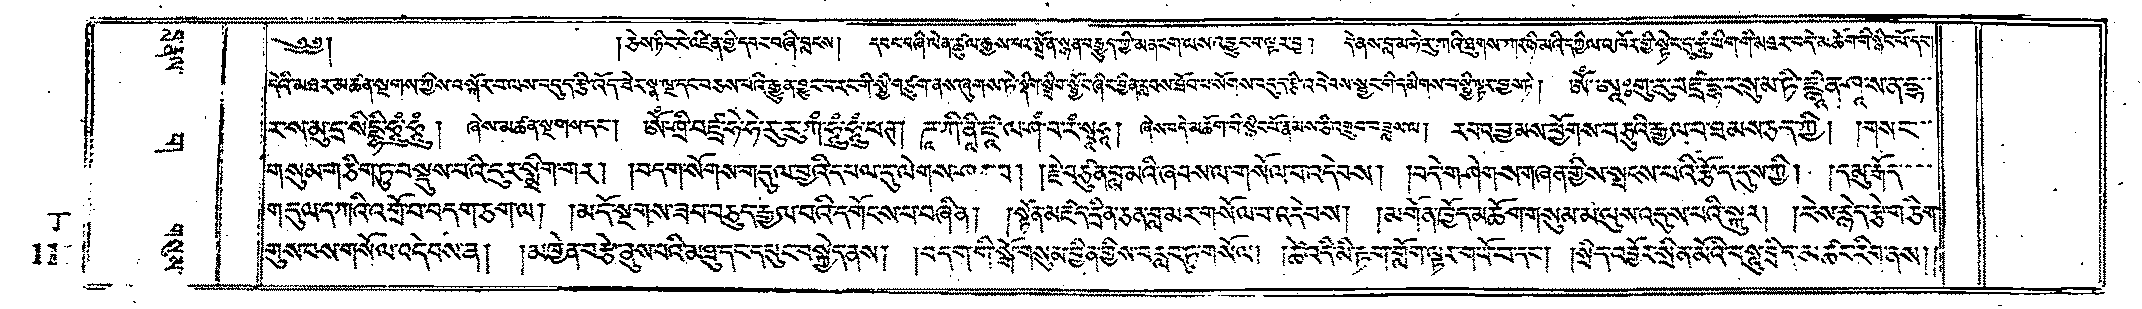༄༅། །ཅེས་ཏིང་ངེ་འཛིན་གྱི་དབང་བཞི་བླངས། དབང་བཞི་ལེན་ཚུལ་རྒྱས་པར་སྤྲོ་ན་སྙན་བརྒྱུད་ཀྱི་མན་ངག་ལས་འབྱུང་བ་ལྟར་བྱ། དེ་ནས་བླ་མ་ཧེ་རུ་ཀའི་ཐུགས་ཀར་ཉི་མའི་དཀྱིལ་འཁོར་གྱི་སྟེང་དུ་ཧཱུཾ་ཡིག་གི་མཐར་བདེ་མཆོག་གི་སྙིང་པོ་དང་།
དེའི་མཐར་མཚན་སྔགས་ཀྱིས་བསྐོར་བ་ལས་བདུད་རྩི་འོད་ཟེར་སྣ་ལྔ་དང་བཅས་པའི་རྒྱུན་བྱུང་བ་རང་གི་སྤྱི་གཙུག་ནས་ཞུགས་ཏེ་སྡིག་སྒྲིབ་སྦྱོང་ཞིང་བྱིན་རླབས་ཐོབ་པ་སོགས་བདུད་རྩི་འབེབས་སྦྱང་གི་དམིགས་པ་སྤྱི་ལྟར་བྱས་ཏེ། ཨོཾ་ཨཱཿགུ་རུ་བཛྲ་དྷ་ར་སུ་མ་ཏི་ཛྙཱ་ན་ཤཱ་ས་ན་དྷ་་་
ར་ས་མུ་དྲ་སིདྡྷི་ཧཱུཾ་ཧཱུཾ། ཞེས་མཚན་སྔགས་དང་།  ཨོཾ་ཤྲི་བཛྲ་ཧེ་ཧེ་རུ་རུ་ཀཾ་ཧཱུཾ་ཧཱུཾ་ཕཊ། ཌཱ་ཀི་ནཱི་ཛཱ་ལ་ཤཾ་བ་རཾ་སྭཱཧཱ། ཞེས་བདེ་མཆོག་གི་སྙིང་པོ་རྣམས་ཅི་འགྲུབ་བཟླས་ལ།  རབ་འབྱམས་ཕྱོགས་བཅུའི་རྒྱལ་བ་ཐམས་ཅད་ཀྱི། །གསང་་་
གསུམ་གཅིག་ཏུ་བསྡུས་པའི་དུར་སྨྲིག་གར། །བདག་སོགས་གདུལ་བྱའི་དཔལ་དུ་ལེགས་ཤར་བ། །རྗེ་བཙུན་བླ་མའི་ཞབས་ལ་གསོལ་བ་འདེབས། །བདེ་གཤེགས་གཞན་གྱིས་སྤངས་པའི་རྩོད་དུས་ཀྱི། །དམུ་རྒོད་་་
གདུལ་དཀའི་འགྲོ་བ་བདག་ཅག་ལ། །མདོ་སྔགས་ཟབ་བཅུད་རྒྱལ་བའི་དགོངས་པ་བཞིན། །སྟོན་མཛད་དྲིན་ཅན་བླ་མར་གསོལ་བ་འདེབས། །མགོན་ཁྱོད་མཆོག་གསུམ་མ་ལུས་འདུས་པའི་སྐུར། །ངེས་རྙེད་རྩེ་གཅིག་
གུས་པས་གསོལ་འདེབས་ན། །མཁྱེན་བརྩེ་ནུས་པའི་མཐུ་དང་དཔུང་བསྐྱེད་ནས། །བདག་གི་སྒོ་གསུམ་བྱིན་གྱིས་བརླབ་ཏུ་གསོལ། །ཚེ་འདི་མི་རྟག་གློག་ལྟར་གཡོ་བ་དང་། །སྲིད་འབྱོར་སྲིན་མོའི་བསླུ་བྲིད་མཚང་རིག་ནས།།